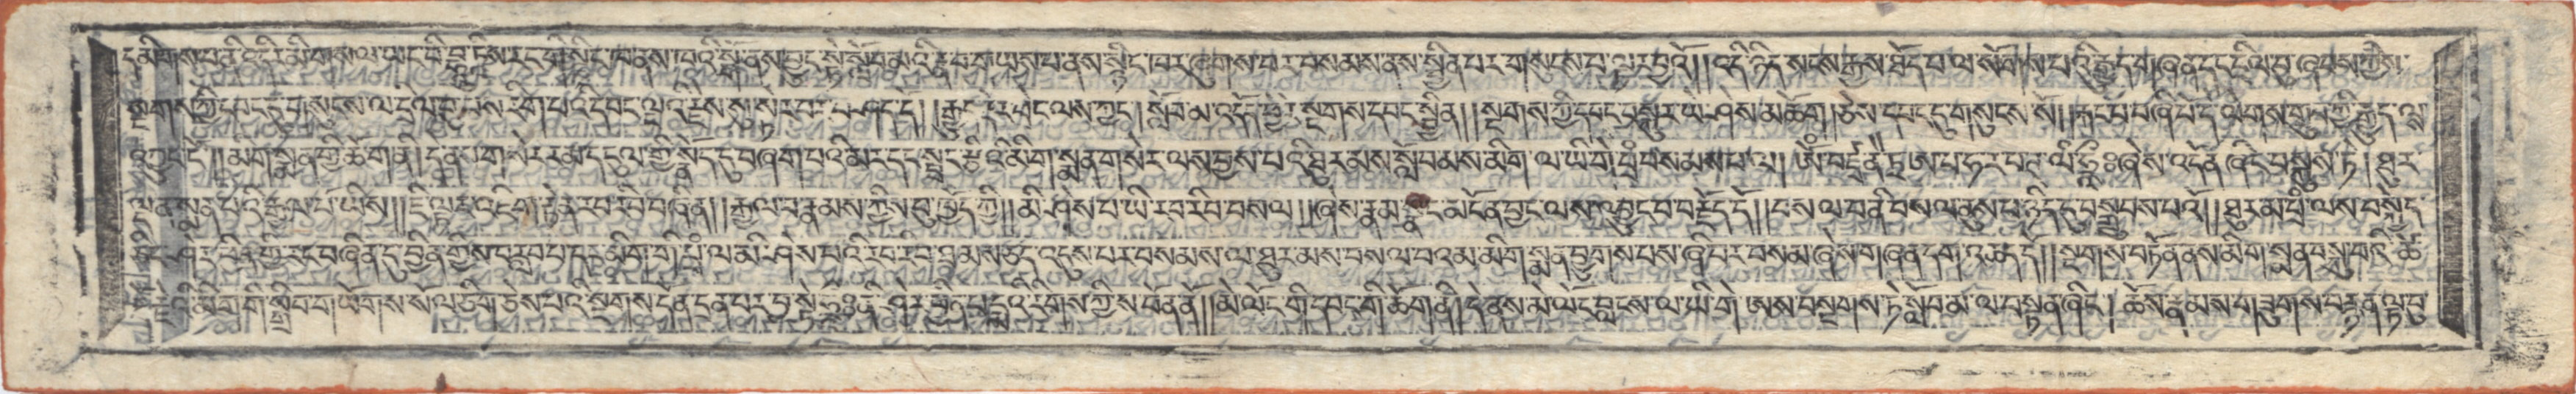དམིགས་པ་ནི་འདིར་མི་གསལ་ཡང་བི་བྷཱུ་ཏཱིས་རང་གི་སྙིང་ཁ་ནས་ཁའི་སྒོ་ནས་བྱུང་སྟེ་སློབ་མའི་རྣ་བ་གཡས་པ་ནས་སྙིང་ཁར་ཞུགས་པར་བསམས་ནས་སྦྱིན་པར་གསུངས་པ་ལྟར་བྱའོ། །འདི་ཉིད་སངས་རྒྱས་ཐོད་པ་ལ་སོགས་པའི་རྒྱུད་གཞན་དང་དྲིལ་བུ་ཞབས་ཀྱིས་
སྔགས་ཀྱི་དབང་དུ་གསུངས་ལ་དྲིལ་བུ་པས་རིག་པའི་དབང་ལྔའི་རྗེས་སུ་སྟེར་བར་བཤད་དོ། །རྒྱུད་རྡོར་ཕྲེང་ལས་ཀྱང་། སློབ་མ་འདོད་ཕྱིར་སྔགས་དབང་སྦྱིན། །སྔགས་ཀྱི་དབང་བསྐུར་ཡེ་ཤེས་མཆོག །ཅེས་དབང་དུ་གསུངས་སོ། །རྐང་པ་བཞི་པོ་དེ་ལེགས་གྲུབ་ཀྱི་རྒྱུད་ལས་
འབྱུང་ངོ། །མིག་སྨན་གྱི་ཆོ་ག་ནི། དེ་ནས་གསེར་རམ་དངུལ་གྱི་སྣོད་དུ་བཞག་པའི་མར་དང་སྤྲང་རྩིའི་མིག་སྨན་གསེར་ལས་བྱས་པའི་ཐུར་མས་སློབ་མས་མིག་ལ་ཡི་གེ་པྲཾ་བསམས་པ་ལ། ཨོཾ་བཛྲ་ནཻ་ཏྲ་ཨ་པ་ཧ་ར་པ་ཊ་ལཾ་ཧྲཱྀཿ ཞེས་འདོན་ཞིང་བསྐུས་ཏེ། ཐུར་
ལྡན་སྨན་པའི་རྒྱལ་པོ་ཡིས། །ཇི་ལྟར་འཇིག་རྟེན་རབ་རིབ་བཞིན། །རྒྱལ་བ་རྣམས་ཀྱིས་བུ་ཁྱོད་ཀྱི། །མི་ཤེས་པ་ཡི་རབ་རིབ་བསལ། །ཞེས་རྣམ་སྣང་མངོན་བྱང་ལས་འབྱུང་བ་བརྗོད་དོ། །བསལ་བ་ནི་བསལ་ནུས་པ་ཉིད་དུ་བསྒྲུབས་པའོ། །ཐུར་མ་ཕྲཾ་ལས་བསྐྱེད་ཅིང་ཤེར་ཕྱིན་གྱི་རང་བཞིན་དུ་བྱིན་གྱིས་བརླབ་པ་དང་མིག་གི་པྲཾ་ལ་མི་ཤེས་པའི་རབ་རིབ་ཐམས་ཅད་འདུས་པར་བསམས་ལ་ཐུར་མས་བསལ་བའམ་མིག་སྨན་བྱུགས་པས་ཞི་བར་བསམ་ཞེས་གཞན་དག་འཆད་དོ། །སྔགས་བཏོན་ནས་མིག་སྨན་བསྐུ་བའི་ཚེ་
རྡོ་རྗེའི་མིག་གི་སྒྲིབ་གཡོགས་སོལ་ཅིག་ཅེས་པའི་སྔགས་དོན་དྲན་པར་བྱ་སྟེ་ཧྲཱྀཿ ནི་ཤེར་ཕྱིན་པདམའི་རིགས་ཀྱི་ས་བོན་ནོ། །མེ་ལོང་གི་དབང་གི་ཆོ་ག་ནི། དེ་ནས་མེ་ལོང་བླངས་ལ་ཡི་གེ་ཨས་བསྔགས་ཏེ་སློབ་མ་ལ་བསྟན་ཞིང་། ཆོས་རྣམས་གཟུགས་བརྙན་ལྟ་བུ་